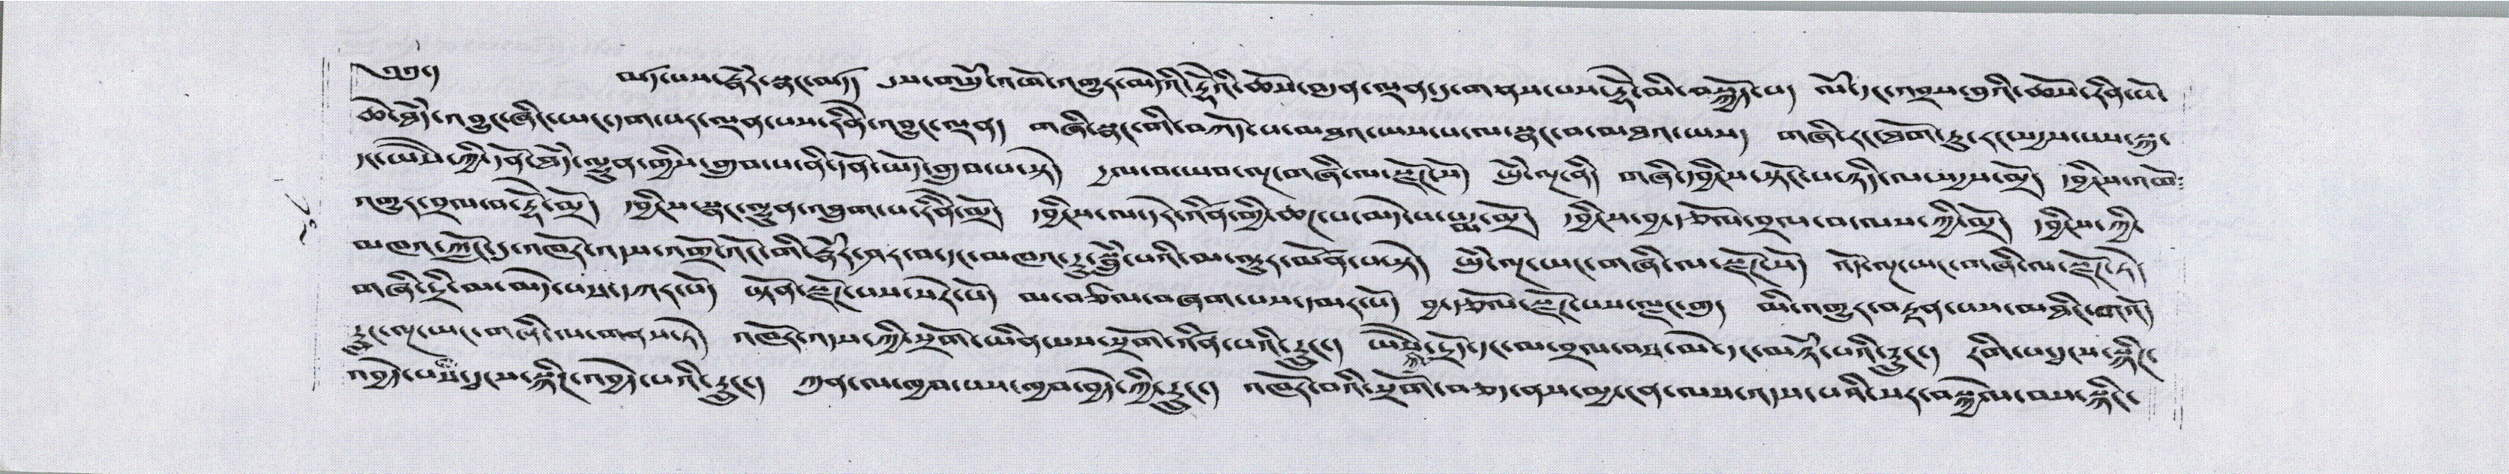མཛད་པས་རྣམ་པར་སྣང་མཛད། དུས་གསུམ་འཕོ་འགྱུར་མེད་པའི་རྡོ་རྗེའི་ཆོས་བདུན་ལྡན་དུ་གནས་པས་རྡོ་རྗེ་མི་བསྐྱོད་པ། ལམ་དང་འབྲས་བུའི་ཆོས་རིན་པོ་
ཆེ་ཐམས་ཅད་འབྱུང་ཞིང་ཡང་དག་པར་ལྡན་པས་རིན་ཆེན་འབྱུང་ལྡན། གཞི་སྣང་གི་བཀོད་པ་མཐའ་ཡས་པ་ལ་སྣང་བ་མཐའ་ཡས། གཞི་རང་ཐོག་ཏུ་རང་སངས་རྒྱས་པས་སྐུ་
དང་ཡེ་ཤེས་ཀྱི་དོན་ཐམས་ཅད་ལྷུན་གྱིས་གྲུབ་པ་ནི་དོན་ཡོད་གྲུབ་པ་སྟེ། རྒྱལ་བ་ཡབ་ལྔ་གཞི་ལ་རྫོགས་སོ། ཡུམ་ལྔ་ནི། གཞི་དབྱིངས་སྟོང་པ་ཉིད་ལ་སངས་རྒྱས་མཁའ་འགྲོ། དབྱིངས་འཕོ་
འགྱུར་བྲལ་བ་རྡོ་རྗེ་མཁའ་འགྲོ། དབྱིངས་སྣང་ལྷུན་འཐུག་པ་རིན་ཆེན་མཁའ་འགྲོ། དབྱིངས་ལ་དེར་འཛིན་གྱི་ཆགས་པ་མེད་པ་པདྨ་མཁའ་འགྲོ། དབྱིངས་བྱ་རྩོལ་བྲལ་བ་ལས་ཀྱི་མཁའ་འགྲོ། དབྱིངས་ཀྱི་
མཁའ་ཀློང་དུ་འཁོར་འདས་འགྲོ་འོང་གི་རྣམ་པར་ཤར་བ་དང་མཁའ་རུ་སྦྲུམ་པའི་མ་ལྟ་བུར་མཚོན་པ་སྟེ། ཡུམ་ལྔ་ཡང་གཞི་ལ་རྫོགས་སོ། འོད་ལྔ་ཡང་གཞི་ལ་རྫོགས་ཏེ། 
གཞི་དྲི་མ་མེད་པས་དཀར་པོ། ཡོན་ཏན་རྫོགས་པས་སར་པོ། མ་བཙལ་བཞག་པས་དམར་པོ། བྱ་རྩོལ་རྫོགས་པས་ལྗང་ཁུ། མི་འགྱུར་བརྟན་པས་མཐིང་གའོ། 
རླུང་ལྔ་ཡང་གཞི་ལ་གནས་ཏེ། འཁོར་འདས་ཀྱི་སྲོག་ཡིན་པས་སྲོག་འཛིན་པའི་རླུང། ཡེ་ཤེས་ཀྱི་དྲོད་དང་མ་བྲལ་བས་མེ་དང་མཉམ་པའི་རླུང། རིག་པ་དྭངས་སྙིགས་
འབྱེད་པས་དྭངས་སྙིགས་འབྱེད་པའི་རླུང། ཀུན་ལ་ཁྱབ་པས་ཁྱབ་བྱེད་ཀྱི་རླུང། འཁོར་བའི་སྲོག་བཅད་ནས་མྱ་ངན་ལས་འདས་པའི་སར་བསྐྱེལ་མས་སྙིང་